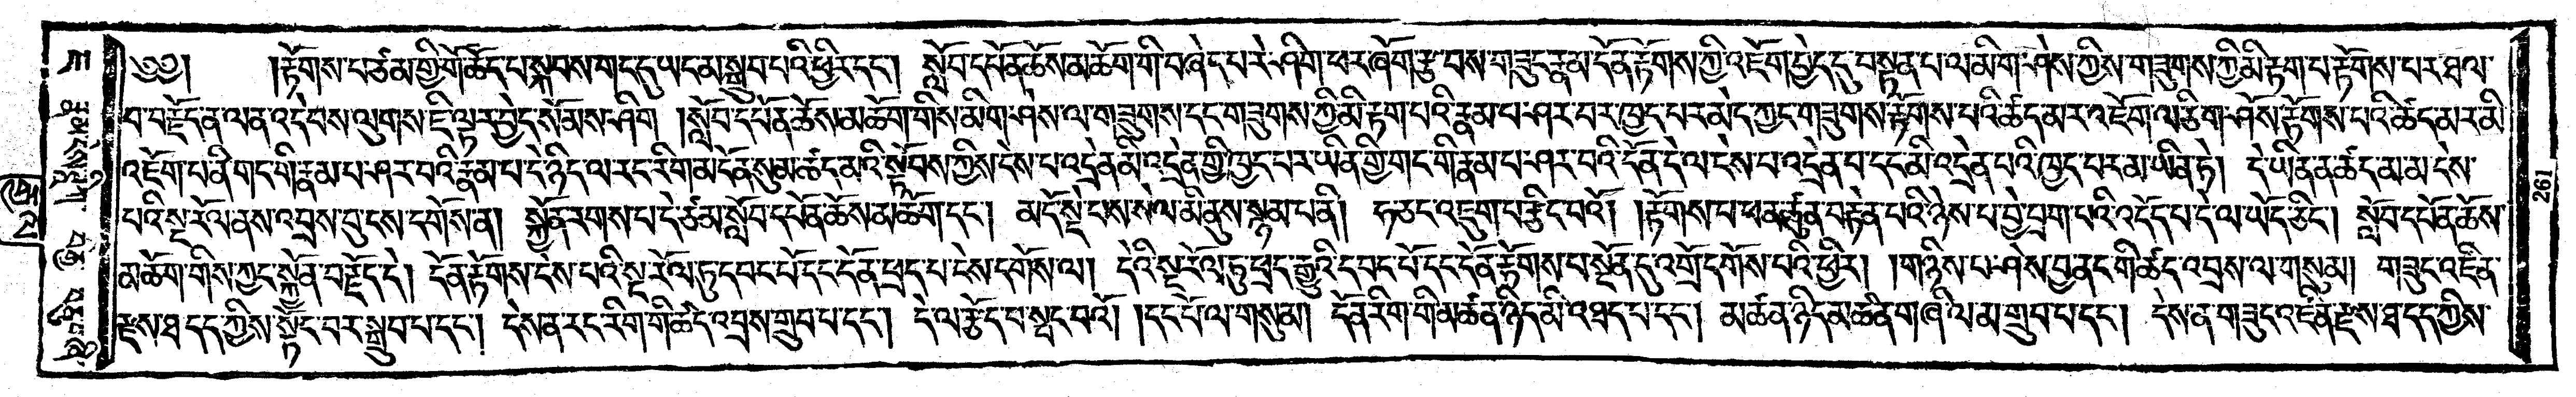༄༅། །རྟོགས་པ་ཙམ་གྱི་གོ་ཆོད་པ་སྐབས་གང་དུ་ཡང་མ་སྒྲུབ་པའི་ཕྱིར་དང་། སློབ་དཔོན་ཆོས་མཆོག་གི་བཞེད་པ་རེ་ཤིག་ཕར་ཞོག་རྩ་བས་གཟུང་རྣམ་དོན་རྟོགས་ཀྱི་འཇོག་བྱེད་དུ་བསྟན་པ་ལ་མིག་ཤེས་ཀྱིས་གཟུགས་ཀྱི་མི་རྟག་པ་རྟོགས་པར་ཐལ་
བ་བརྗོད་ན་ལན་འདེབས་ལུགས་ཇི་ལྟར་བྱེད་སོམས་ཤིག །སློབ་དཔོན་ཆོས་མཆོག་གིས་མིག་ཤེས་ལ་གཟུགས་དང་གཟུགས་ཀྱི་མི་རྟག་པའི་རྣམ་པ་ཤར་བར་ཁྱད་པར་མེད་ཀྱང་གཟུགས་རྟོགས་པའི་ཚད་མར་འཇོག་ལ་ཅིག་ཤོས་རྟོགས་པའི་ཚད་མར་མི་
འཇོག་པ་ནི་གང་གི་རྣམ་པ་ཤར་བའི་རྣམ་པ་དེ་ཉིད་ལ་རང་རིག་མངོན་སུམ་ཚད་མའི་སྟོབས་ཀྱིས་ངེས་པ་འདྲེན་མི་འདྲེན་གྱི་ཁྱད་པར་ཡིན་གྱི་གང་གི་རྣམ་པ་ཤར་བའི་དོན་དེ་ལ་ངེས་པ་འདྲེན་པ་དང་མི་འདྲེན་པའི་ཁྱད་པར་མ་ཡིན་ཏེ། དེ་ཡིན་ན་ཚད་མ་མ་ངེས་
པའི་སྔ་རོལ་ནས་འབྲས་བུ་ངས་དགོས་ན། སྐྱོན་རགས་པ་དེ་ཙམ་སློབ་དཔོན་ཆོས་མཆོག་དང་། མདོ་སྡེ་པས་སེལ་མི་ནུས་སྙམ་པ་ནི། ཧ་ཅང་འཇུག་པ་རྩིད་བའོ། །རྟོགས་པ་ཕན་ཚུན་བརྟེན་པའི་ཉེས་པ་བྱེ་བྲག་པའི་འདོད་པ་དེ་ལ་ཡོད་ཅིང་། སློབ་དཔོན་ཆོས་
མཆོག་གིས་ཀྱང་སྐྱོན་བརྗོད་དེ། དོན་རྟོགས་ངེས་པའི་སྔ་རོལ་ཏུ་དབང་པོ་དང་དོན་ཕྲད་པ་ངེས་དགོས་ལ། དེའི་སྔ་རོལ་ཏུ་ཕྲད་རྒྱུའི་དབང་པོ་དང་དོན་རྟོགས་པ་སྔོན་དུ་འགྲོ་དགོས་པའི་ཕྱིར། གཉིས་པ་ཤེས་བྱ་ནང་གི་ཚད་འབྲས་ལ་གསུམ། གཟུང་འཛིན་
རྫས་ཐ་དད་ཀྱིས་སྟོང་བར་སྒྲུབ་པ་དང་། དེས་ན་རང་རིག་གི་ཚད་འབྲས་གྲུབ་པ་དང་། དེ་ལ་རྩོད་པ་སྤང་བའོ། །དང་པོ་ལ་གསུམ། དོན་རིག་གི་མཚན་ཉིད་མི་འཐད་པ་དང་། མཚན་ཉིད་མཚན་གཞི་ལ་མ་གྲུབ་པ་དང་། དེས་ན་གཟུང་འཛིན་རྫས་ཐ་དད་ཀྱིས་